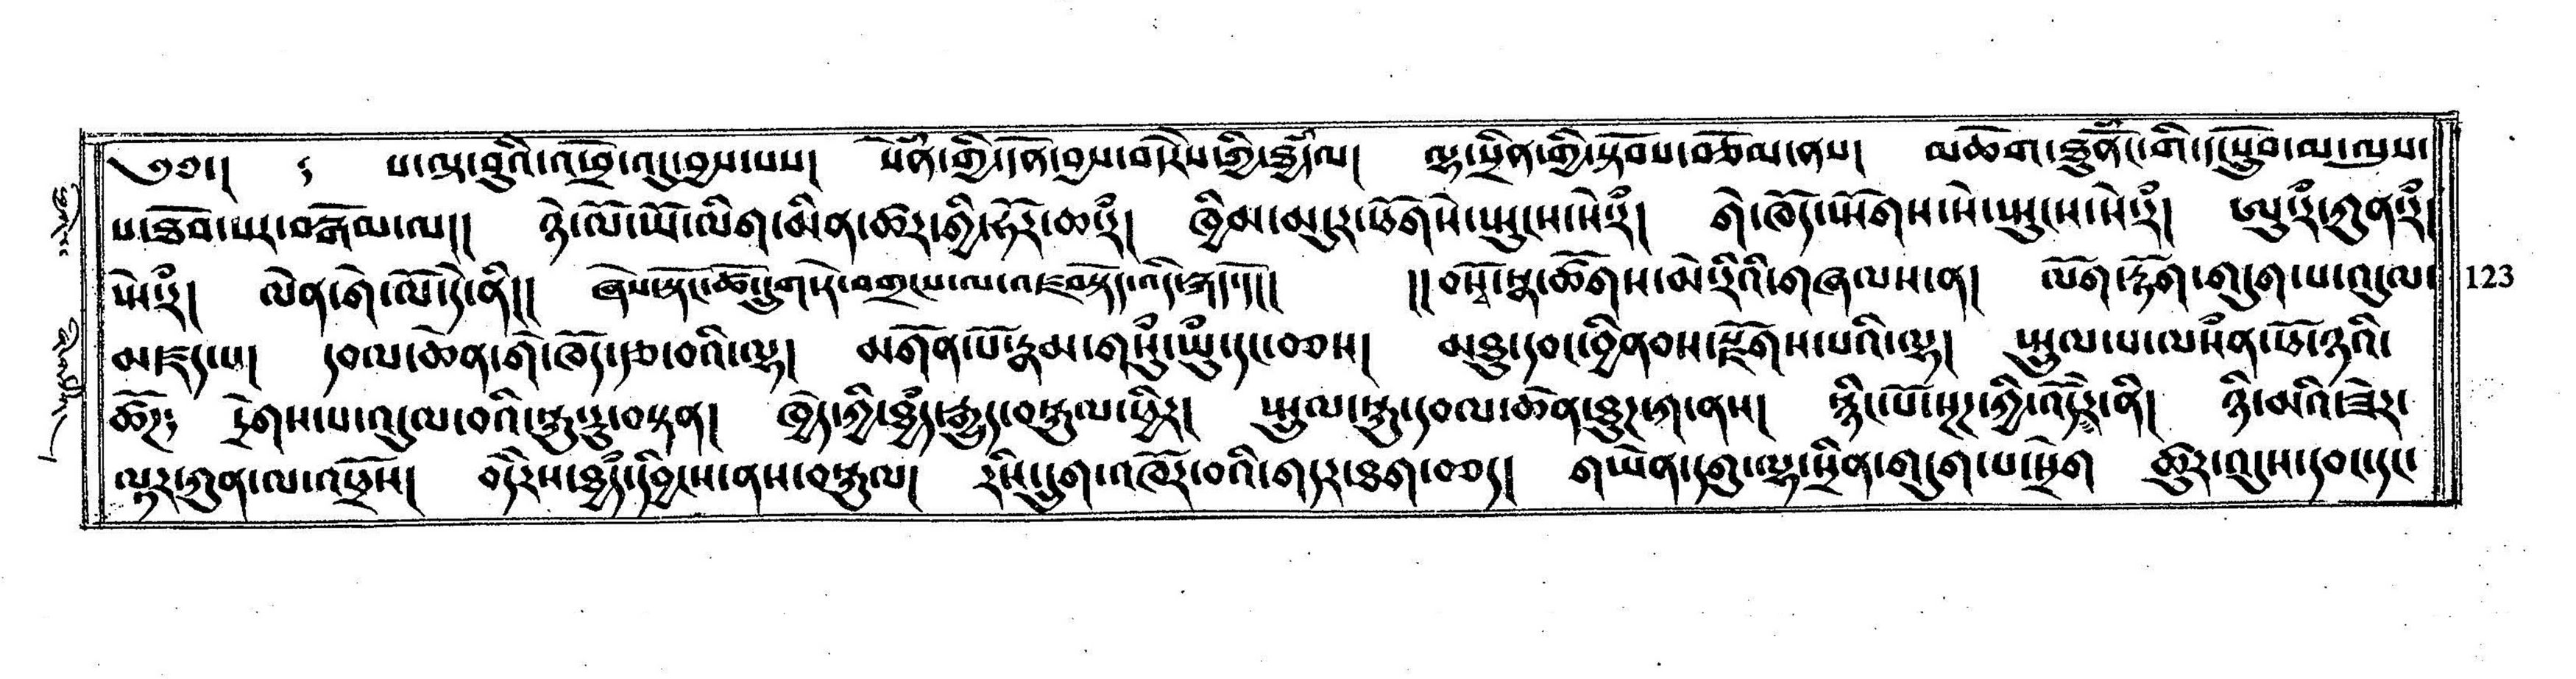པ་ལྟ་བུའི་འཕྲོ་འདུ་བྱས་པས། སེམས་ཅན་གྱི་དོན་བྱས་བདེར་གཤེགས་ཀྱི་ཐུགས་དམ་བསྐུལ། ལྷ་སྲིན་གྱི་སྟོབས་བཅོམ་ནས། མཆོག་ཐུན་མོང་གི་དངོས་གྲུབ་མ་ལུས་
པ་ཐོབ་པར་བསྒོམ་ལ།། ཉེ་ལོ་ཡོ་ལིག་མིན་ཚར་གྱི་ཧོར་ཆ་རཾ། ཁྱིམ་མདུར་ཕོགསེ་སྤུངས་སེ་རཾ། གེ་ཁོད་སྤོགས་སེ་སྤུངས་སེ་རཾ། ཨུ་རཾ་ཀུན་རཾ་
སྤེ་རཾ། ལེན་གེ་ལོ་དེ་ནི།། ཞེས་སྟོང་ཚོ་དྲུག་རེ་བགྲངས་ལ་འཛབ་བསྟོད་འདི་སྐད་དོ།། །།བསྭོ་སྣ་ཚོགས་མེ་རིའི་གཞལ་ཡས་ན། ལོག་རྟོག་གདུག་པ་འདུལ་
མཛད་པ། དབལ་ཆེན་གེ་ཁོད་རྩ་བའི་ལྷ། མགོན་པོ་རྣམ་གསུམ་ཡུམ་དང་བཅས། མཐུ་དབང་བྱིན་རླབས་རྫོགས་པའི་ལྷ། སྤྲུལ་པ་ལས་མཁན་ཕོ་ཉའི་
ཚོགས། དྲེགས་པ་འདུལ་བའི་སྐུ་རུ་བསྟན། ཁྱེད་ཀྱི་ཐུགས་དམ་རྒྱུད་བསྐུལ་ཕྱིར། སྤྲུལ་སྐུ་དབལ་ཆེན་ཐུགས་ཀ་ནས། སྙིང་པོ་སྔགས་ཀྱི་འོད་ཟེར་ནི། ཉི་མའི་ཟེར་
ལྟར་ཀུན་ལ་འཕྲོས། བདེར་གཤེགས་ཐུགས་དམ་དབྱིངས་ནས་བསྐུལ། རིས་དྲུག་འཁོར་བའི་གདར་ཐག་བཅད། གཡེན་དགུ་ལྷ་སྲིན་གདུག་པ་སྲེག ཚུར་འདུས་དབང་དང་